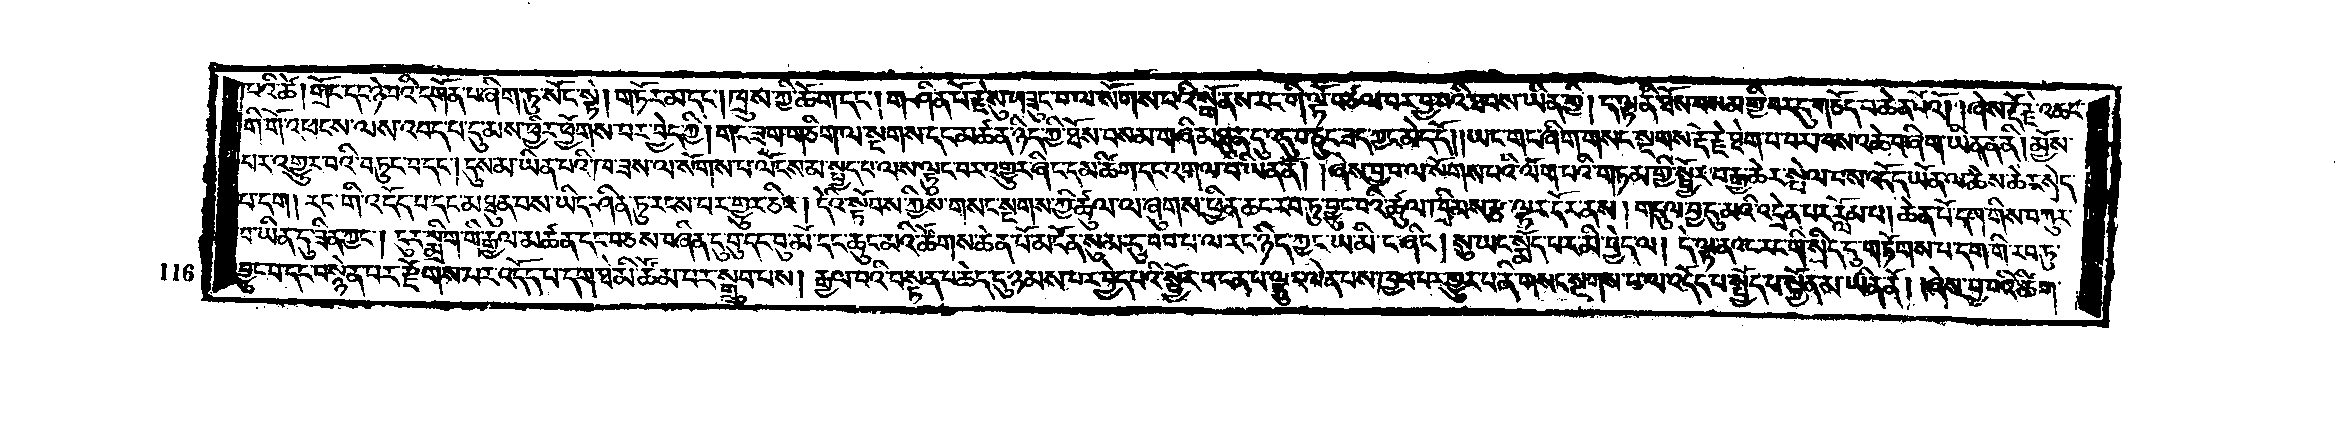པའི་ཚེ། གྲོང་དང་ཉེ་བའི་དགོན་པ་ཞིག་ཏུ་སོང་སྟེ། གཏོར་མ་དང་། ཁྲུས་ཀྱི་ཆོ་ག་དང་། གཤིན་པོ་རྗེས་སུ་གཟུང་བ་ལ་སོགས་པའི་སྒོ་ནས་རང་གི་ལྟོ་བཙལ་བར་བྱ་བའི་ཐབས་ཡིན་གྱི། ད་ལྟ་ནི་ཐོས་བསམ་གྱི་བར་དུ་གཅོད་པ་ཆེན་པོའོ། །ཞེས་རྡོ་རྗེ་འཆང་
གི་གོ་འཕངས་ལས་འབད་པ་དུ་མས་ཕྱིར་ཕྱོགས་བར་བྱེད་ཀྱི། གང་ཟག་གཅིག་ལ་སྔགས་དང་མཚན་ཉིད་ཀྱི་ཐོས་བསམ་གཞི་མཐུན་དུ་འདུ་བ་ཅུང་ཟད་ཀྱང་མེད་དོ། །ཡང་གང་ཞིག་གསང་སྔགས་རྡོ་རྗེ་ཐེག་པ་པར་ཁས་འཆེ་བ་ཞིག་ཡིན་ན་ནི། མྱོས་
པར་འགྱུར་བའི་བཏུང་བ་དང་། དུས་མ་ཡིན་པའི་ཁ་ཟས་ལ་སོགས་པ་ལོངས་མ་སྤྱད་པ་ལས་ལྟུང་བར་འགྱུར་ཞིང་དམ་ཚིག་དང་འགལ་བ་ཡིན་ནོ། །ཞེས་བྱ་བ་ལ་སོགས་པའི་ལོག་པའི་གཏམ་གྱི་སྦྱོར་བ་རྒྱ་ཆེར་སྤེལ་བས་འདོད་ཡོན་ལ་ཆེས་ཆེར་སྲེད་
པ་དག། རང་གི་འདོད་པ་དང་མཐུན་པས་ཡིད་ཤིན་ཏུ་རངས་པར་གྱུར་ཅིང་། དེའི་སྟོབས་ཀྱིས་གསང་སྔགས་ཀྱི་ཚུལ་ལ་ཞུགས་ཕྱིན་ཆང་རབ་ཏུ་བྱུང་བའི་ཚུལ་ཁྲིམས་རྩ་ལྟར་དོར་ནས། གདུལ་བྱ་དུ་མའི་འདྲེན་པར་རློམ་པ། ཆེན་པོ་དག་གིས་བཀུར་
བ་ཡིན་དུ་ཟིན་ཀྱང་། ངུར་སྨྲིག་གི་རྒྱལ་མཚན་དང་བཅས་བཞིན་དུ་བུ་དང་བུ་མོ་དང་ཆུང་མའི་ཚོགས་ཆེན་པོ་མངོན་སུམ་དུ་བབ་པ་ལ་རང་ཉིད་ཀྱང་ཡ་མི་ང་ཞིང་། སུ་ཡང་སྨོད་པར་མི་བྱེད་ལ། དེ་ལྟ་ནའང་རང་གི་སྲིད་དུ་གཏོགས་པ་དག་གི་རབ་ཏུ་
བྱུང་བ་དང་བསྙེན་པར་རྫོགས་པར་འདོད་པ་དག་ཐེ་མི་ཚོམ་པར་སྒྲུབ་པས། རྒྱལ་བའི་བསྟན་པ་ཆེད་དུ་ཉམས་པར་བྱེད་པའི་སྦྱོར་བ་ངན་པ་ལྷུར་ལེན་པས་ཁྱབ་པར་གྱུར་པ་ནི་གསང་སྔགས་པ་ལ་འདོད་པ་སྤྱོད་པ་སྐྱོན་མ་ཡིན་ནོ། །ཞེས་བྱ་བའི་ཚིག་